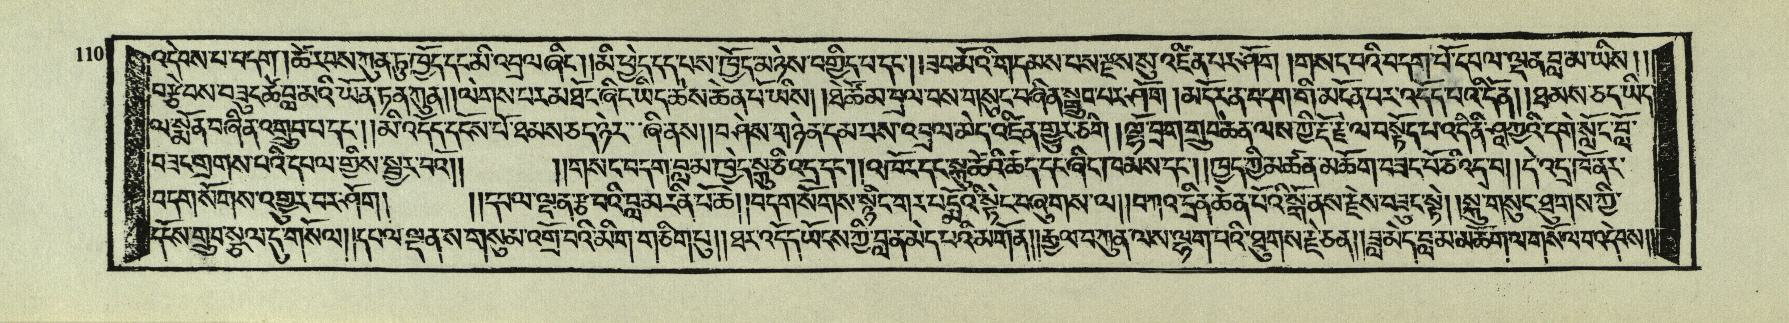འདེབས་པ་བདག །ཚེ་རབས་ཀུན་ཏུ་ཁྱོད་དང་མི་འབྲལ་ཞིང་། །མི་ཕྱེད་དད་པས་ཁྱོད་མཉེས་བགྱིད་པ་དང་། །ཟབ་མོའི་གདམས་པས་རྫས་སུ་འཛིན་པར་ཤོག །གསང་བའི་བདག་པོ་དཔལ་ལྡན་བླ་མ་ཡིས། །
བརྩེ་བས་བཟུང་ཚེ་བླ་མའི་ཡོན་ཏན་ཀུན། །ལེགས་པར་མཐོང་ཞིང་ཡིད་ཆེས་ཆེན་པོ་ཡིས། །ཐེ་ཚོམ་བྲལ་བས་གསུང་བཞིན་སྒྲུབ་པར་ཤོག །མདོར་ན་བདག་གི་མངོན་པར་འདོད་པའི་དོན། །ཐམས་ཅད་ཡིད་
ལ་སྨོན་བཞིན་འགྲུབ་པ་དང་། །མི་འདོད་དངོས་པོ་ཐམས་ཅད་ཉེར་ཞི་ནས། །བཤེས་གཉེན་དམ་པས་འབྲལ་མེད་འཛིན་གྱུར་ཅིག །ལྷོ་བྲག་གྲུབ་ཆེན་ལས་ཀྱི་རྡོ་རྗེ་ལ་བསྟོད་པ་འདི་ནི་ཤཱཀྱའི་དགེ་སློང་བློ་
བཟང་གྲགས་པའི་དཔལ་གྱིས་སྦྱར་བའོ།། །།གསང་བདག་བླ་མ་ཁྱེད་སྐུ་ཅི་འདྲ་དང་། །འཁོར་དང་སྐུ་ཚེའི་ཚད་དང་ཞིང་ཁམས་དང་། །ཁྱད་ཀྱི་མཚན་མཆོག་བཟང་པོ་ཅི་འདྲ་བ། །དེ་འདྲ་ཁོ་ནར་
བདག་སོགས་འགྱུར་བར་ཤོག། །།དཔལ་ལྡན་རྩ་བའི་བླ་མ་རིན་པོ་ཆེ། །བདག་སོགས་སྙིང་གར་པདམོའི་སྟེང་བཞུགས་ལ། །བཀའ་དྲིན་ཆེན་པོའི་སྒོ་ནས་རྗེས་བཟུང་སྟེ། །སྐུ་གསུང་ཐུགས་ཀྱི་
དངོས་གྲུབ་སྩལ་དུ་གསོལ། །དཔལ་ལྡན་ས་གསུམ་འགྲོ་བའི་མིག་གཅིག་པུ། །ཐར་འདོད་ཡོངས་ཀྱི་བླ་ན་མེད་པའི་མགོན། །རྒྱལ་བ་ཀུན་ལས་ལྷག་པའི་ཐུགས་རྗེ་ཅན། །ཟླ་མེད་བླ་མ་མཆོག་ལ་གསོལ་བ་འདེབས།།